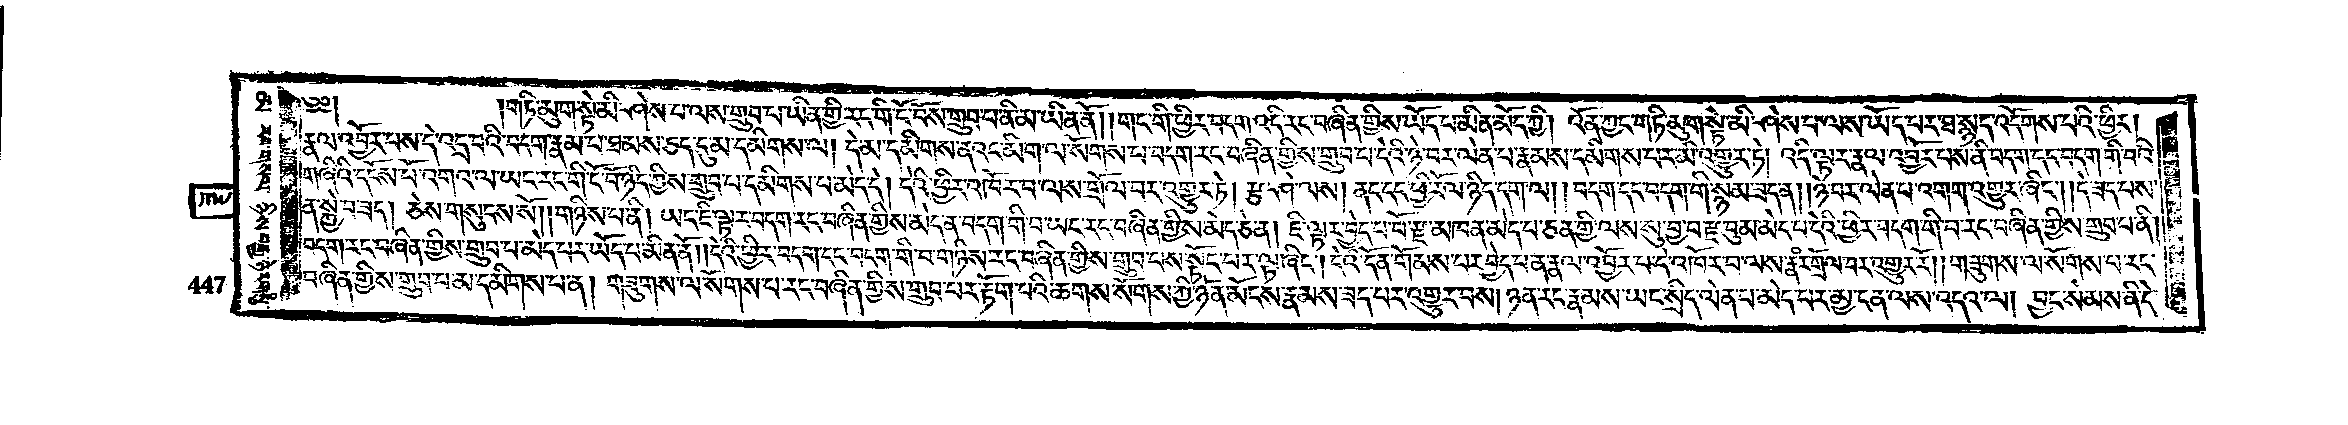༄༅། །གཏི་མུག་སྟེ་མི་ཤེས་པ་ལས་གྲུབ་པ་ཡིན་གྱི་རང་གི་ངོ་བོས་གྲུབ་པ་ནི་མ་ཡིན་ནོ། །གང་གི་ཕྱིར་བདག་འདི་རང་བཞིན་གྱིས་ཡོད་པ་མིན་མོད་ཀྱི། འོན་ཀྱང་གཏི་མུག་སྟེ་མི་ཤེས་པ་ལས་ཡོད་པར་ཐ་སྙད་འདོགས་པའི་ཕྱིར།
རྣལ་འབྱོར་པས་དེ་འདྲ་བའི་བདག་རྣམ་པ་ཐམས་ཅད་དུ་མ་དམིགས་ལ། དེ་མ་དམིགས་ནའང་མིག་ལ་སོགས་པ་བདག་རང་བཞིན་གྱིས་གྲུབ་པ་དེའི་ཉེ་བར་ལེན་པ་རྣམས་དམིགས་པར་མི་འགྱུར་ཏེ། འདི་ལྟར་རྣལ་འབྱོར་པས་ནི་བདག་དང་བདག་གི་བའི་
གཞིའི་དངོས་པོ་འགའ་ལ་ཡང་རང་གི་ངོ་བོ་ཉིད་ཀྱིས་གྲུབ་པ་དམིགས་པ་མེད་དེ། དེའི་ཕྱིར་འཁོར་བ་ལས་གྲོལ་བར་འགྱུར་ཏེ། རྩ་ཤེ་ལས། ནང་དང་ཕྱི་རོལ་ཉིད་དག་ལ། །བདག་དང་བདག་གི་སྙམ་ཟད་ན། །ཉེ་བར་ལེན་པ་འགག་འགྱུར་ཞིང་། །དེ་ཟད་པས་
ན་སྐྱེ་བ་ཟད། ཅེས་གསུངས་སོ། །གཉིས་པ་ནི། ཡང་ཇི་ལྟར་བདག་རང་བཞིན་གྱིས་མེད་ན་བདག་གི་བ་ཡང་རང་བཞིན་གྱིས་མེད་ཅེ་ན། ཇི་ལྟར་བྱེད་པ་པོ་རྫ་མཁན་མེད་པ་ཅན་གྱི་ལས་སུ་བྱ་བ་རྫ་བུམ་མེད་པ་དེའི་ཕྱིར་བདག་གི་བ་རང་བཞིན་གྱིས་གྲུབ་པ་ནི།
བདག་རང་བཞིན་གྱིས་གྲུབ་པ་མེད་པར་ཡོད་པ་མིན་ནོ། །དེའི་ཕྱིར་བདག་དང་བདག་གི་བ་གཉིས་རང་བཞིན་གྱིས་གྲུབ་པས་སྟོང་པར་ལྟ་ཞིང་། དེའི་དོན་གོམས་པར་བྱེད་པ་ན་རྣལ་འབྱོར་པ་དེ་འཁོར་བ་ལས་རྣམ་པར་གྲོལ་བར་འགྱུར་རོ། །གཟུགས་ལ་སོགས་པ་རང་
བཞིན་གྱིས་གྲུབ་པ་མ་དམིགས་པ་ན། གཟུགས་ལ་སོགས་པ་རང་བཞིན་གྱིས་གྲུབ་པར་རྟོག་པའི་ཆགས་སོགས་ཀྱི་ཉོན་མོངས་རྣམས་ཟད་པར་འགྱུར་བས། ཉན་རང་རྣམས་ཡང་སྲིད་ལེན་པ་མེད་པར་མྱ་ངན་ལས་འདའ་ལ། བྱང་སེམས་ནི་དེ་